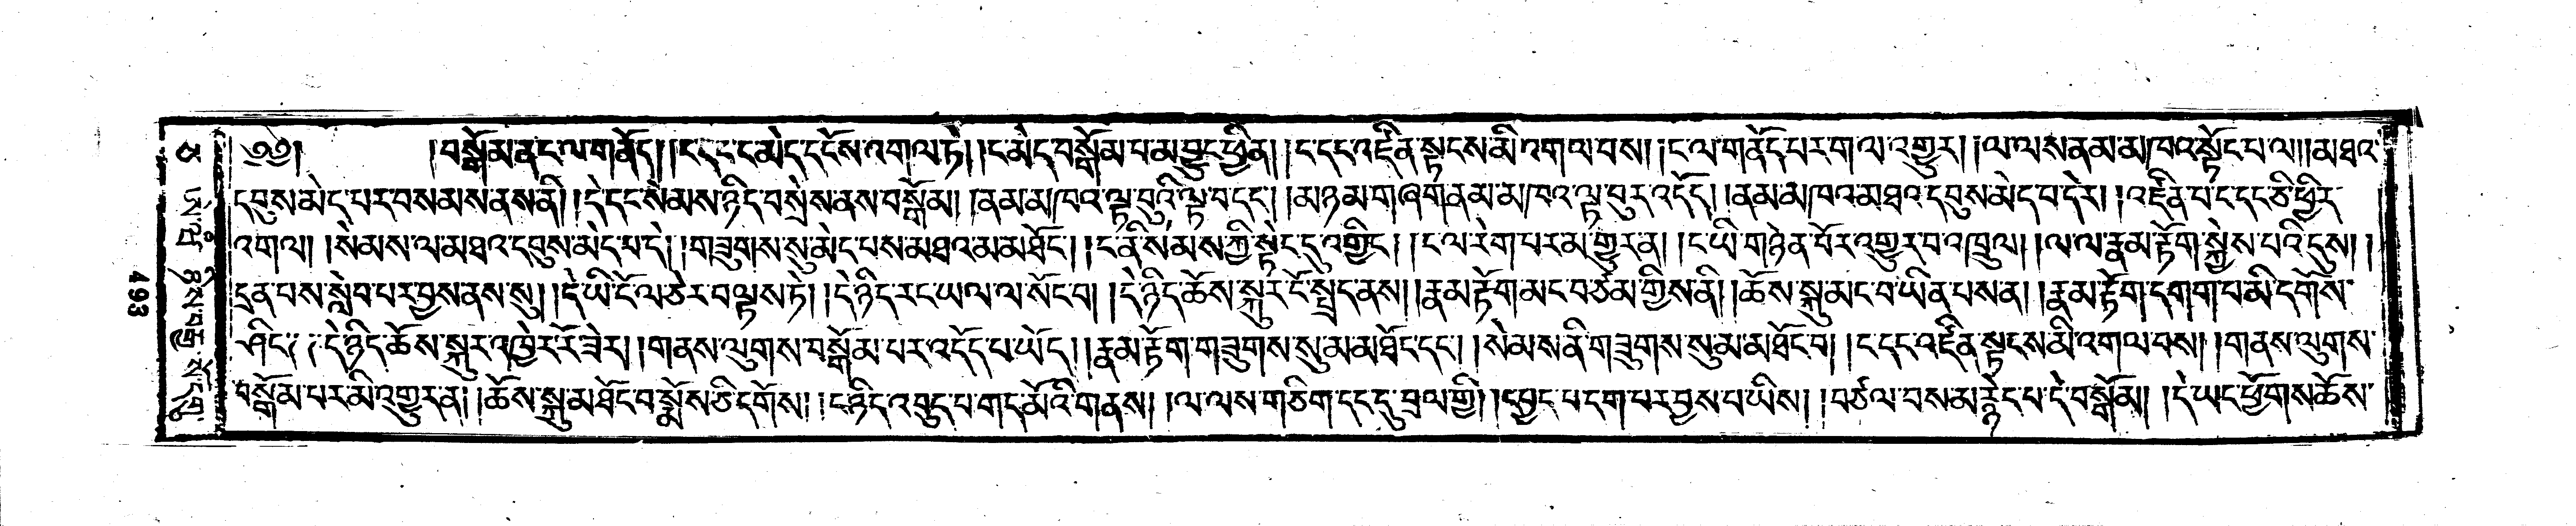༄༅། །བསྒོམ་ན་ང་ལ་གནོད། །ང་དང་ང་མེད་དངོས་འགལ་ཏེ། །ང་མེད་བསྒོམ་པ་མ་བྱུང་ཕྱིན། །ང་དང་འཛིན་སྟངས་མི་འགལ་བས། །ང་ལ་གནོད་པར་ག་ལ་འགྱུར། །ལ་ལས་ནམ་མཁའ་སྟོང་པ་ལ། མཐའ་
དབུས་མེད་པར་བསམས་ནས་ནི། །དེ་དང་སེམས་ཉིད་བསྲེས་ནས་བསྒོམ། །ནམ་ཁའ་ལྟ་བུའི་ལྟ་བ་དང་། །མཉམ་བཞག་ནམ་མཁའ་ལྟ་བུར་འདོད། །ནམ་མཁའ་མཐའ་དུས་མེད་པ་དེར། །འཛིན་པ་ང་དང་ཅི་ཕྱིར་
འགལ། །སེམས་ལ་མཐའ་དབུས་མེད་པ་དེ། གཟུགས་སུ་མེད་པས་མཐའ་མ་མཐོང་། །ང་ནི་སེམས་ཀྱི་སྟེང་དུ་འགྱིང་། །ང་ལ་རེག་པར་མ་གྱུར་ན། །ང་ཡི་གཉེན་པོར་འགྱུར་བ་འཁྲུལ། །ལ་ལ་རྣམ་རྟོག་སྐྱེས་པའི་དུས། །
དྲན་པས་སླེབ་པར་བྱས་ནས་སུ། །དེ་ཡི་ངོ་ལ་ཅེར་བལྟས་ཏེ། །དེ་ཉིད་རང་ཡལ་ལ་སོང་བ། །དེ་ཉིད་ཆོས་སྐུར་ངོ་སྤྲད་ནས། །རྣམ་རྟོག་མང་བ་ཙམ་གྱིས་ནི། །ཆོས་སྐུ་མང་བ་ཡིན་པས་ན། །རྣམ་རྟོག་དགག་པ་མི་དགོས་
ཤིང༑ ༑དེ་ཉིད་ཆོས་སྐུར་འཁྱེར་རོ་ཟེར། །གནས་ལུགས་བསྒོམ་པར་འདོད་པ་ཡོད། །རྣམ་རྟོག་གཟུགས་སུ་མ་མཐོང་དང་། །སེམས་ནི་གཟུགས་སུ་མ་མཐོང་བ། །ང་དང་། འཛིན་སྟངས་མི་འགལ་བས། །གནས་ལུགས་
བསྒོམ་པར་མི་འགྱུར་ན། །ཆོས་སྐུ་མཐོང་བ་སྨོས་ཅི་དགོས། །ང་ཉིད་འབུད་པ་གད་མོའི་གནས། །ལ་ལས་གཅིག་དང་དུ་བྲལ་གྱི། །དཔྱད་པ་དག་པར་བྱས་པ་ཡིས། །བཙལ་བས་མ་རྙེད་པ་དེ་བསྒོམ། །དེ་ཡང་ཕྱོགས་ཆོས་